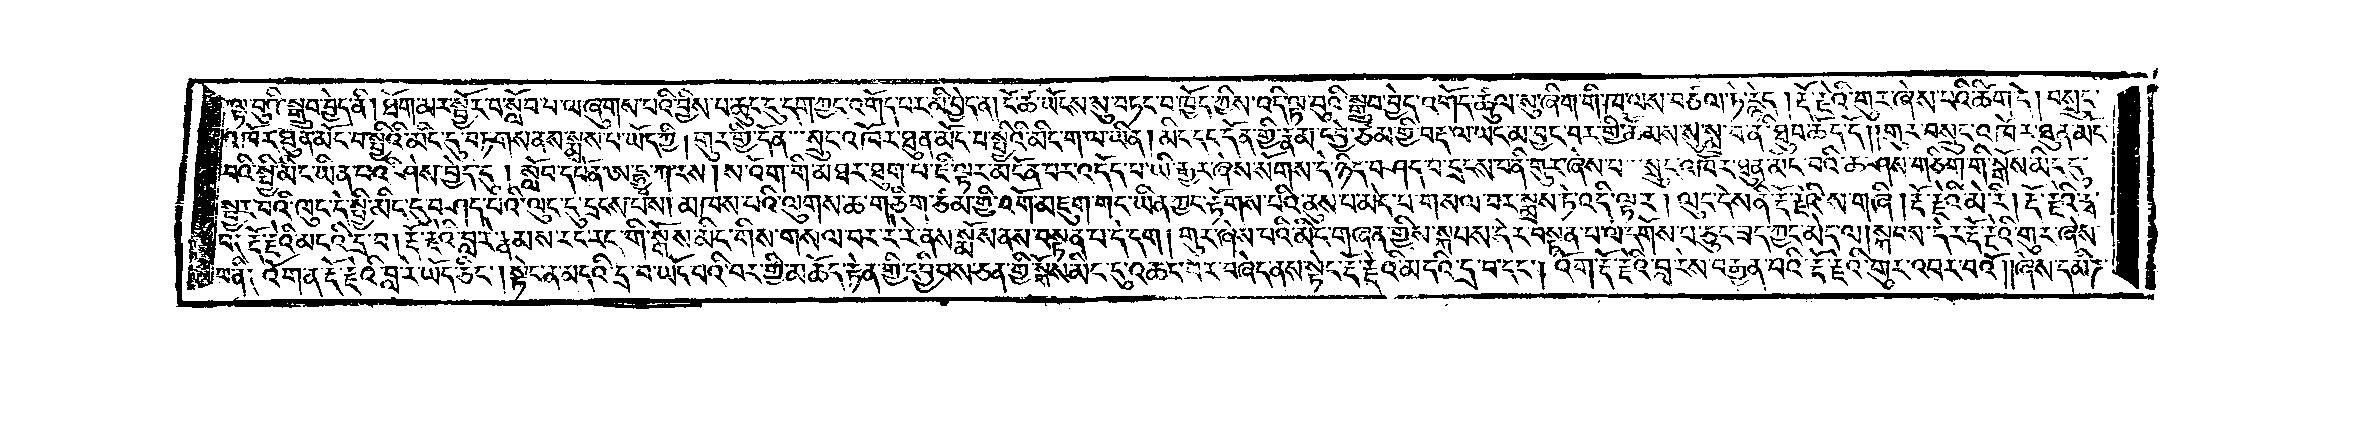ལྟ་བུའི་སྒྲུབ་བྱེད་ནི། ཐོག་མར་སྦྱོར་བ་སློབ་པ་ལ་ཞུགས་པའི་བྱིས་པ་ཆུང་ངུ་དག་ཀྱང་འགོད་པར་མི་བྱེད་ན། ངོ་ཚ་ཡོངས་སུ་བཏང་བ་ཁྱོད་ཀྱིས་འདི་ལྟ་བུའི་སྒྲུབ་བྱེད་འགོད་ཚུལ་སུ་ཞིག་གི་ཁ་ལས་བཙལ་ཏེ་རྙེད། རྡོ་རྗེའི་གུར་ཞེས་པའི་ཚིག་དེ། བསྲུང་
འཁོར་ཐུན་མོང་བ་སྤྱིའི་མིང་དུ་བཏགས་ནས་སྨྲས་པ་ཡོད་ཀྱི། གུར་གྱི་དོན་སྲུང་འཁོར་ཐུན་མོང་བ་སྤྱིའི་མིང་ག་ལ་ཡིན། མིང་དང་དོན་གྱི་རྣམ་དབྱེ་ཙམ་གྱི་བརྡ་ལ་ཡང་མ་བྱང་བར་གྱི་ཚོམས་སུ་སྨྲ་བ་ནི་ཐུབ་ཆོད་དོ། །གུར་བསྲུང་འཁོར་ཐུན་མོང་
བའི་སྤྱི་མིང་ཡིན་པའི་ཤེས་བྱེད་དུ། སློབ་དཔོན་ཨ་དྷྱཱ་ཀ་རས། ས་འོག་གི་མཐར་ཐུག་པ་ཇི་ལྟར་མངོན་པར་འདོད་པ་ཡི་རྒྱར་ཞེས་སོགས་དེ་ཉིད་བཤད་པ་དྲངས་བ་ནི་གུར་ཞེས་བ་སྲུང་འཁོར་ཐུན་མོང་བའི་ཆ་ཤས་གཅིག་གི་སྒོས་མིང་དུ་
སྦྱར་བའི་ལུང་དེ་སྤྱི་མིང་དུ་བཤད་པའི་ལུང་དུ་དྲངས་པས། མཁས་པའི་ལུགས་ཆ་གཅིག་ཙམ་གྱི་འགོ་མཇུག་གང་ཡིན་ཀྱང་རྟོགས་པའི་ནུས་པ་མེད་པ་གསལ་བར་སྨྲས་ཏེ་འདི་ལྟར། ལུང་དེས་ནི་རྡོ་རྗེའི་ས་གཞི། རྡོ་རྗེའི་མེ་རི། རྡོ་རྗེའི་རྭ་
བ༑ རྡོ་རྗེའི་མངའི་དྲ་བ། རྡོ་རྗེའི་བླ་རེ་རྣམས་རང་རང་གི་སྒོས་མིང་གིས་གསལ་བར་རེ་རེ་ནས་སྨོས་ནས་བསྟན་པ་དེ་དག། གུར་ཞེས་པའི་མིང་གཞན་གྱིས་སྐབས་དེར་བསྟན་པ་ལ་དགོས་པ་ཅུང་ཟད་ཀྱང་མེད་ལ། སྐབས་དེར་རྡོ་རྗེའི་གུར་ཞེས་
པ་ནི༑ འོག་ན་རྡོ་རྗེའི་བླ་རེ་ཡོད་ཅིང་། སྟེང་ན་མདའི་དྲ་བ་ཡོད་པའི་བར་གྱི་མཆོད་རྟེན་གྱི་དབྱིབས་ཅན་གྱི་སྒོས་མིང་དུ་འཆང་བར་བཞེད་ནས་སྟེང་རྡོ་རྗེའི་མདོའི་དྲ་བ་དང་། འོག་རྡོ་རྗེའི་གུར་འབར་བའོ། །ཞེས་དམིགས་